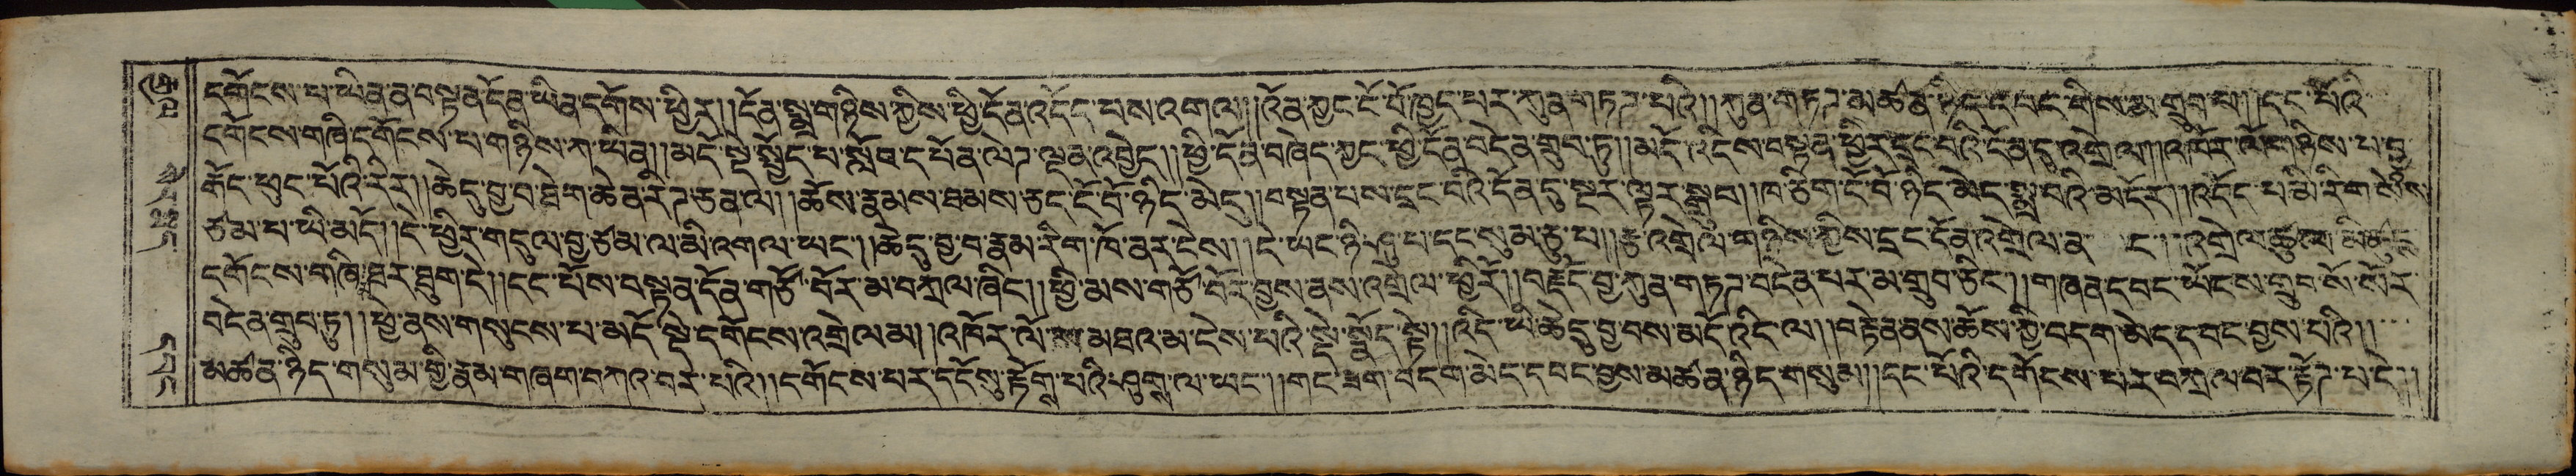དགོངས་པ་ཡིན་ན་བསྟན་དོན་ཡིན་དགོས་ཕྱིར། །དོན་སྨྲ་གཉིས་ཀྱིས་ཕྱི་དོན་འདོད་པས་འགལ། །འོན་ཀྱང་ངོ་བོ་ཁྱད་པར་ཀུན་གཏགས་པའི། །ཀུན་གཏགས་མཚན་ཉིད་དབང་གིས་མ་གྲུབ་པ། །དང་པོའི་
དགོངས་གཞི་དགོངས་པ་གཉིས་ཀ་ཡིན། །མདོ་སྡེ་སྤྱོད་པ་སློབ་དཔོན་ལེགས་ལྡན་འབྱེད། །ཕྱི་དོན་བཞེད་ཀྱང་ཕྱི་དོན་བདེན་གྲུབ་ཏུ། །མདོ་འདིས་བསྟན་ཕྱིར་དྲང་བའི་དོན་དུ་འགྲེལ། །འཁོར་ལོ་གཉིས་པ་བྱ་
རྒོད་ཕུང་པོའི་རིར། །ཆེད་དུ་བྱ་བ་ཐེག་ཆེན་རིགས་ཅན་ལ། །ཆོས་རྣམས་ཐམས་ཅད་ངོ་བོ་ཉིད་མེད་དུ། །བསྟན་པས་དྲང་བའི་དོན་དུ་སྔར་ལྟར་སྒྲུབ། །ཁ་ཅིག་ངོ་བོ་ཉིད་མེད་སྨྲ་བའི་མདོར། །འདོད་པ་མི་རིགས་སེམས་
ཙམ་པ་ཡི་མདོ། །དེ་ཕྱིར་གདུལ་བྱ་ཙམ་ལ་མི་འགལ་ཡང་། །ཆེད་དུ་བྱ་བ་རྣམ་རིག་ཁོ་ནར་ངེས། །དེ་ཡང་ཉི་ཤུ་པ་དང་སུམ་ཅུ་པ། །རྩ་འགྲེལ་གཉིས་ཀྱིས་དྲང་དོན་འགྲེལ་ན་ཡང་། །འགྲེལ་ཚུལ་མི་མཚུངས་
དགོངས་གཞིར་མཐར་ཐུག་དེ། །དང་པོས་བསྟན་དོན་གཙོ་བོར་མ་བཀྲལ་ཞིང་། །ཕྱི་མས་གཙོ་བོར་བྱས་ནས་འགྲེལ་ཕྱིར་རོ། །བརྗོད་བྱ་ཀུན་གཏགས་བདེན་པར་མ་གྲུབ་ཅིང་། །གཞན་དབང་ཡོངས་གྲུབ་སོ་སོར་
བདེན་གྲུབ་ཏུ། །ཕྱེ་ནས་གསུངས་པ་མདོ་སྡེ་དགོངས་འགྲེལ་ལམ། །འཁོར་ལོ་མཐའ་མ་ངེས་པའི་སྡེ་སྣོད་སྟེ། །འདི་ཡི་ཆེད་དུ་བྱ་བས་མདོ་འདི་ལ། །བརྟེན་ནས་ཆོས་ཀྱི་བདག་མེད་དབང་བྱས་པའི། །
མཚན་ཉིད་གསུམ་གྱི་རྣམ་གཞག་བཀའ་བར་པའི། །དགོངས་པར་དངོས་སུ་རྟོགས་པའི་ཤུགས་ལ་ཡང་། །གང་ཟག་བདག་མེད་དབང་བྱས་མཚན་ཉིད་གསུམ། །དང་པོའི་དགོངས་པར་བཀྲལ་བར་རྟོགས་པ་དེ། །